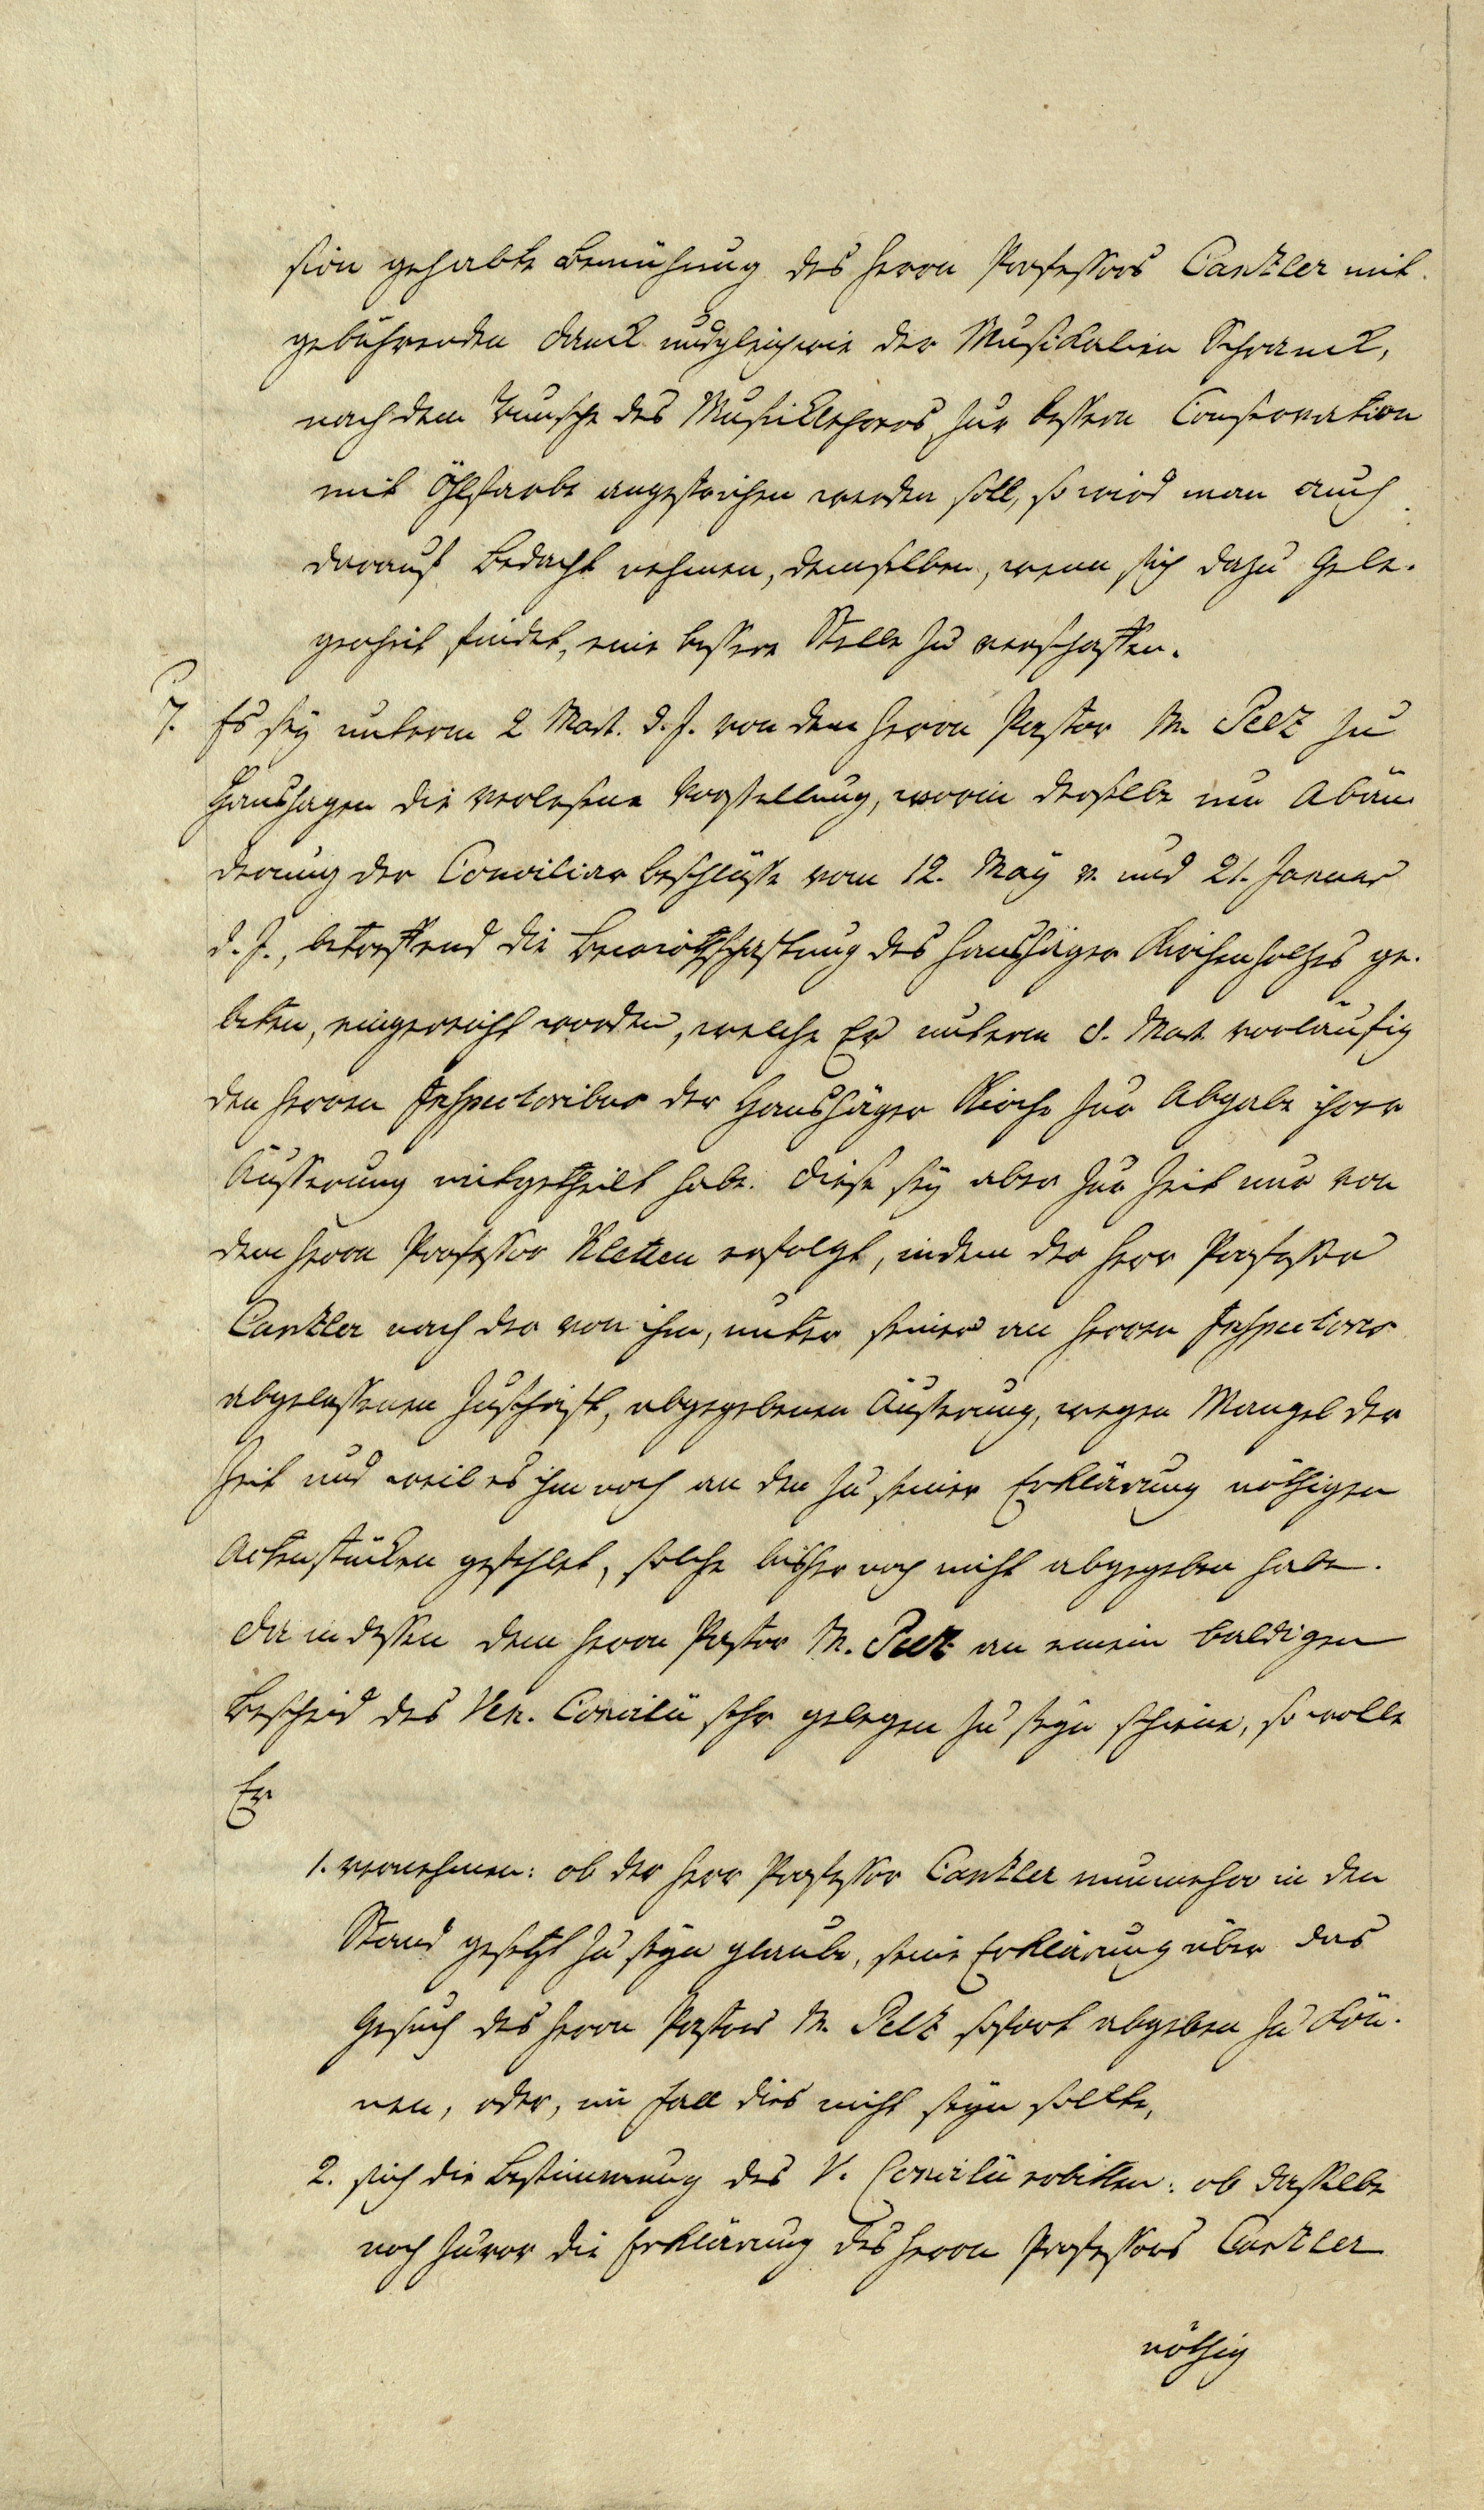sion gehabte Bemühung des Herrn Professors Canzler mit
gebührenden Danck undgleichwie der Musikalien Schranck,
nach dem Wunsche des Musiklehrers zur bessern Conservation
mit Öhlfarbe angestrichen werden soll, so wird man auch
darauf Bedacht nehmen, demselben, wenn sich dazu Gele¬
genheit findet, eine bessere Stelle zu verschaffen.
7. Es seÿ unterm 2 Mart. d. J. von dem Herrn Pastor M. Pelz zu
Hanshagen die verlesene Vorstellung, worin derselbe um Abän¬
derung der Conciliar Beschlüsse vom 12. Maÿ v und 21. Januar
d. J., betreffend die Bewirtschaftung des Hanshäger Kirchenholzes ge¬
beten, eingereicht worden, welche Er unterm 8. Mart vorläufig
den Herren Inspectoribus der Hanshäger Kirche zur Abgabe ihrer
Äusserung mitgetheilt habe. diese seÿ, aber zur Zeit nur von
dem Herrn Professor Kletten erfolgt, indem der Herr Professor
Canzler nach der von ihm, unter seiner an Herren Inspectores
abgelassenen Zuschrift, abgegebenen Äusserung, wegen Mangel der
Zeit und weil es ihm noch an den zu seiner Erklärung nöthigen
Actenstücken gefehlet, solche bisher noch nicht abgegeben habe.
Da indessen dem Herrn Pastor M. Pelz an einem baldigen
Bescheid des Ven. Concilii sehr gelegen zu seÿn schiene, so wolle
Er
1. vernehmen: ob der Herr Professor Canzler nunmehro in den
Stand gesetzt zu seÿn glaube, seine Erklärung über das
Gesuch des Herrn Pastors M. Pelz sofort abgeben zu kön¬
nen, oder, im Fall dies nicht seÿn sollte,
2. sich die Bestimmung des V. Concilii erbitten: ob dasselbe
noch zuvor die Erklärung des Herrn Professors Canzler
nöthig